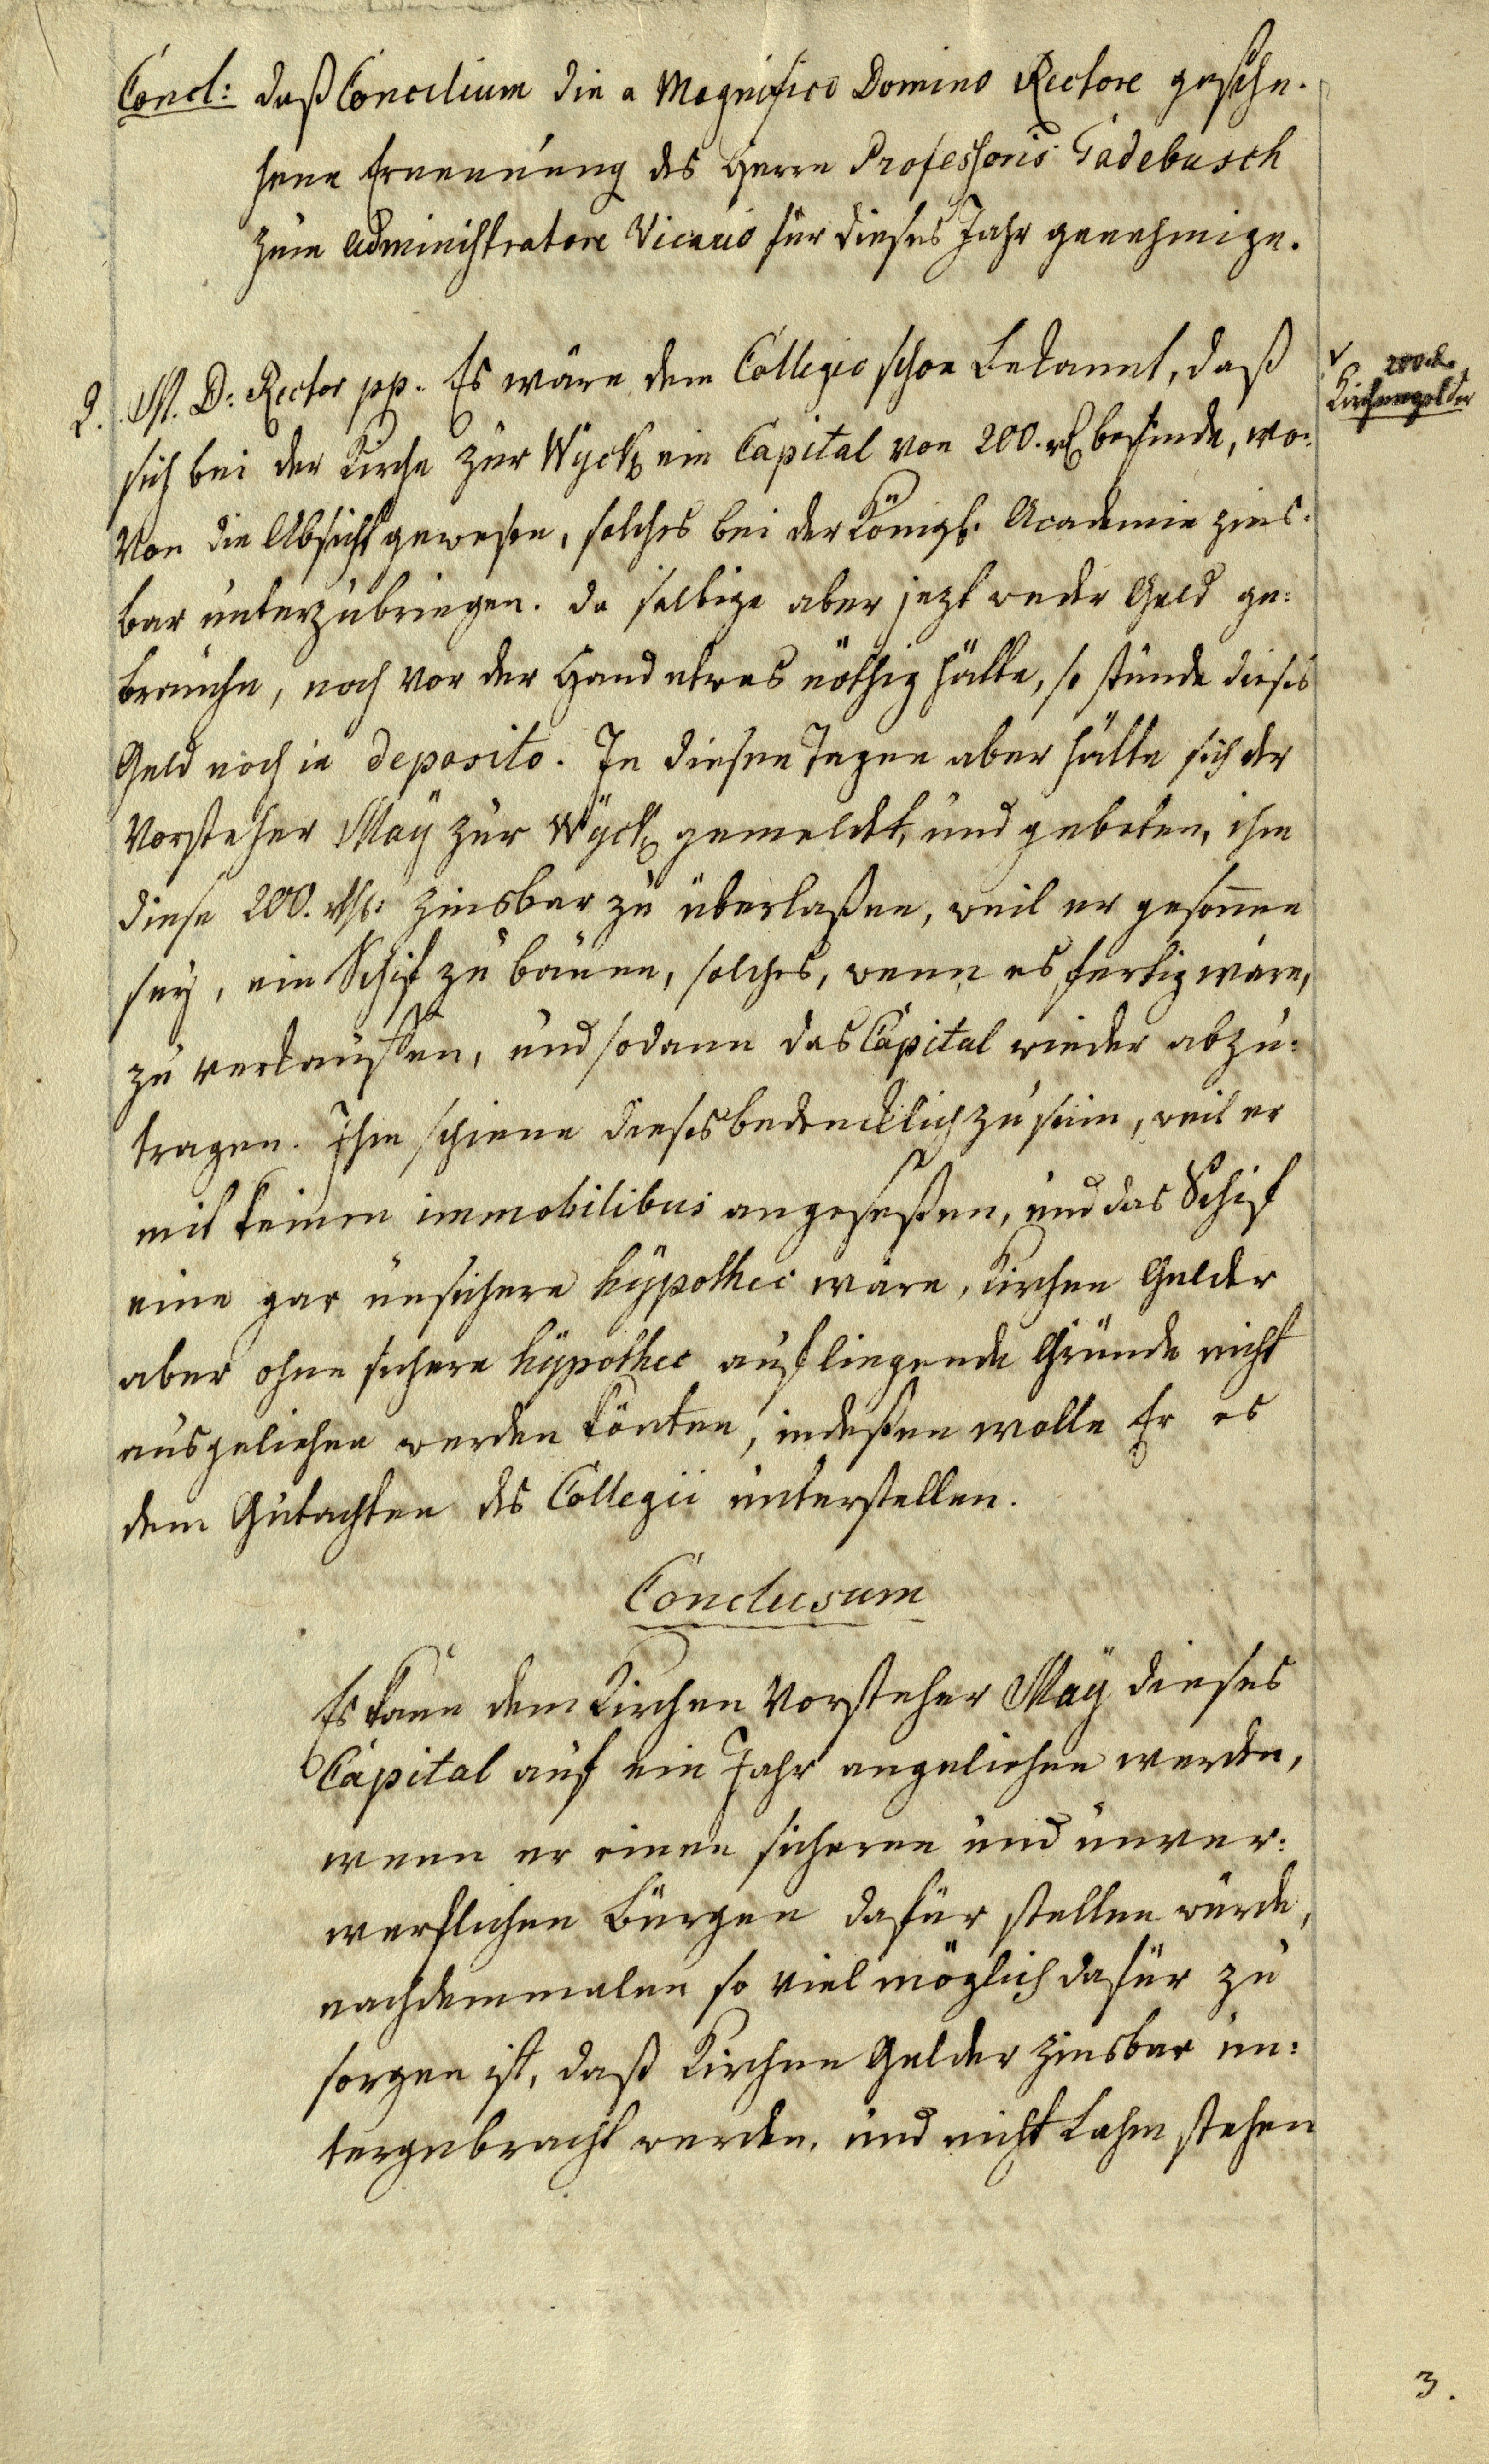zu verkaufen, und sodann das Capital wieder abzu¬
tragen. Ihm schiene dieses bedencklich zu sein, weil er
mit keinem immobilibus angeseßen, und das Schif
eine gar unsichere hÿpothec wäre, Kirchen Gelder
aber ohne sichere hÿpothec auf liegende Gründe nicht
ausgeliehen werden könten, indeßen wolle Er es
dem Gutachten des Collegii unterstellen.
Conclusum
Es kann dem Kirchen Vorsteher Maÿ dieses
Capital auf ein Jahr angeliehen werden,
wenn er einen sicheren und unver¬
werflichen Bürgen dafür stellen würde,
nachdemmalen so viel möglich dafür zu
sorgen ist, daß Kirchen Gelder zinsbar un¬
tergebracht werden und nicht lahm stehen
Concl: daß Concilium die a Magnifico Domino Rectore gesche¬
hene Ernennung des Herrn Professoris Gadebusch
zum Administratore Vicario für dieses Jahr genehmige.
2. M. D. Rector pp. Es wäre dem Collegio schon bekannt,daß
sich bei der Kirche zur Wÿck ein Capital von 200. r befinde, wo¬
vor die Absicht gewesen, solches bei der Königl Academie zins¬
bar unterzubringen. Da selbige aber jezt weder Geld ge¬
brauche, nochvor der Hand etwasnöthig hätte, so stünde dieses
Geld noch in deposito. In diesen Tagen aber hätte sich der
Vorsteher Maÿ zur Wÿck gemeldet, und gebeten, ihm
diese 200 r: zinsbar zu überlaßen, weil er gesonen
seÿ, ein Schif zu bauen, solches, wenn es fertig wäre,